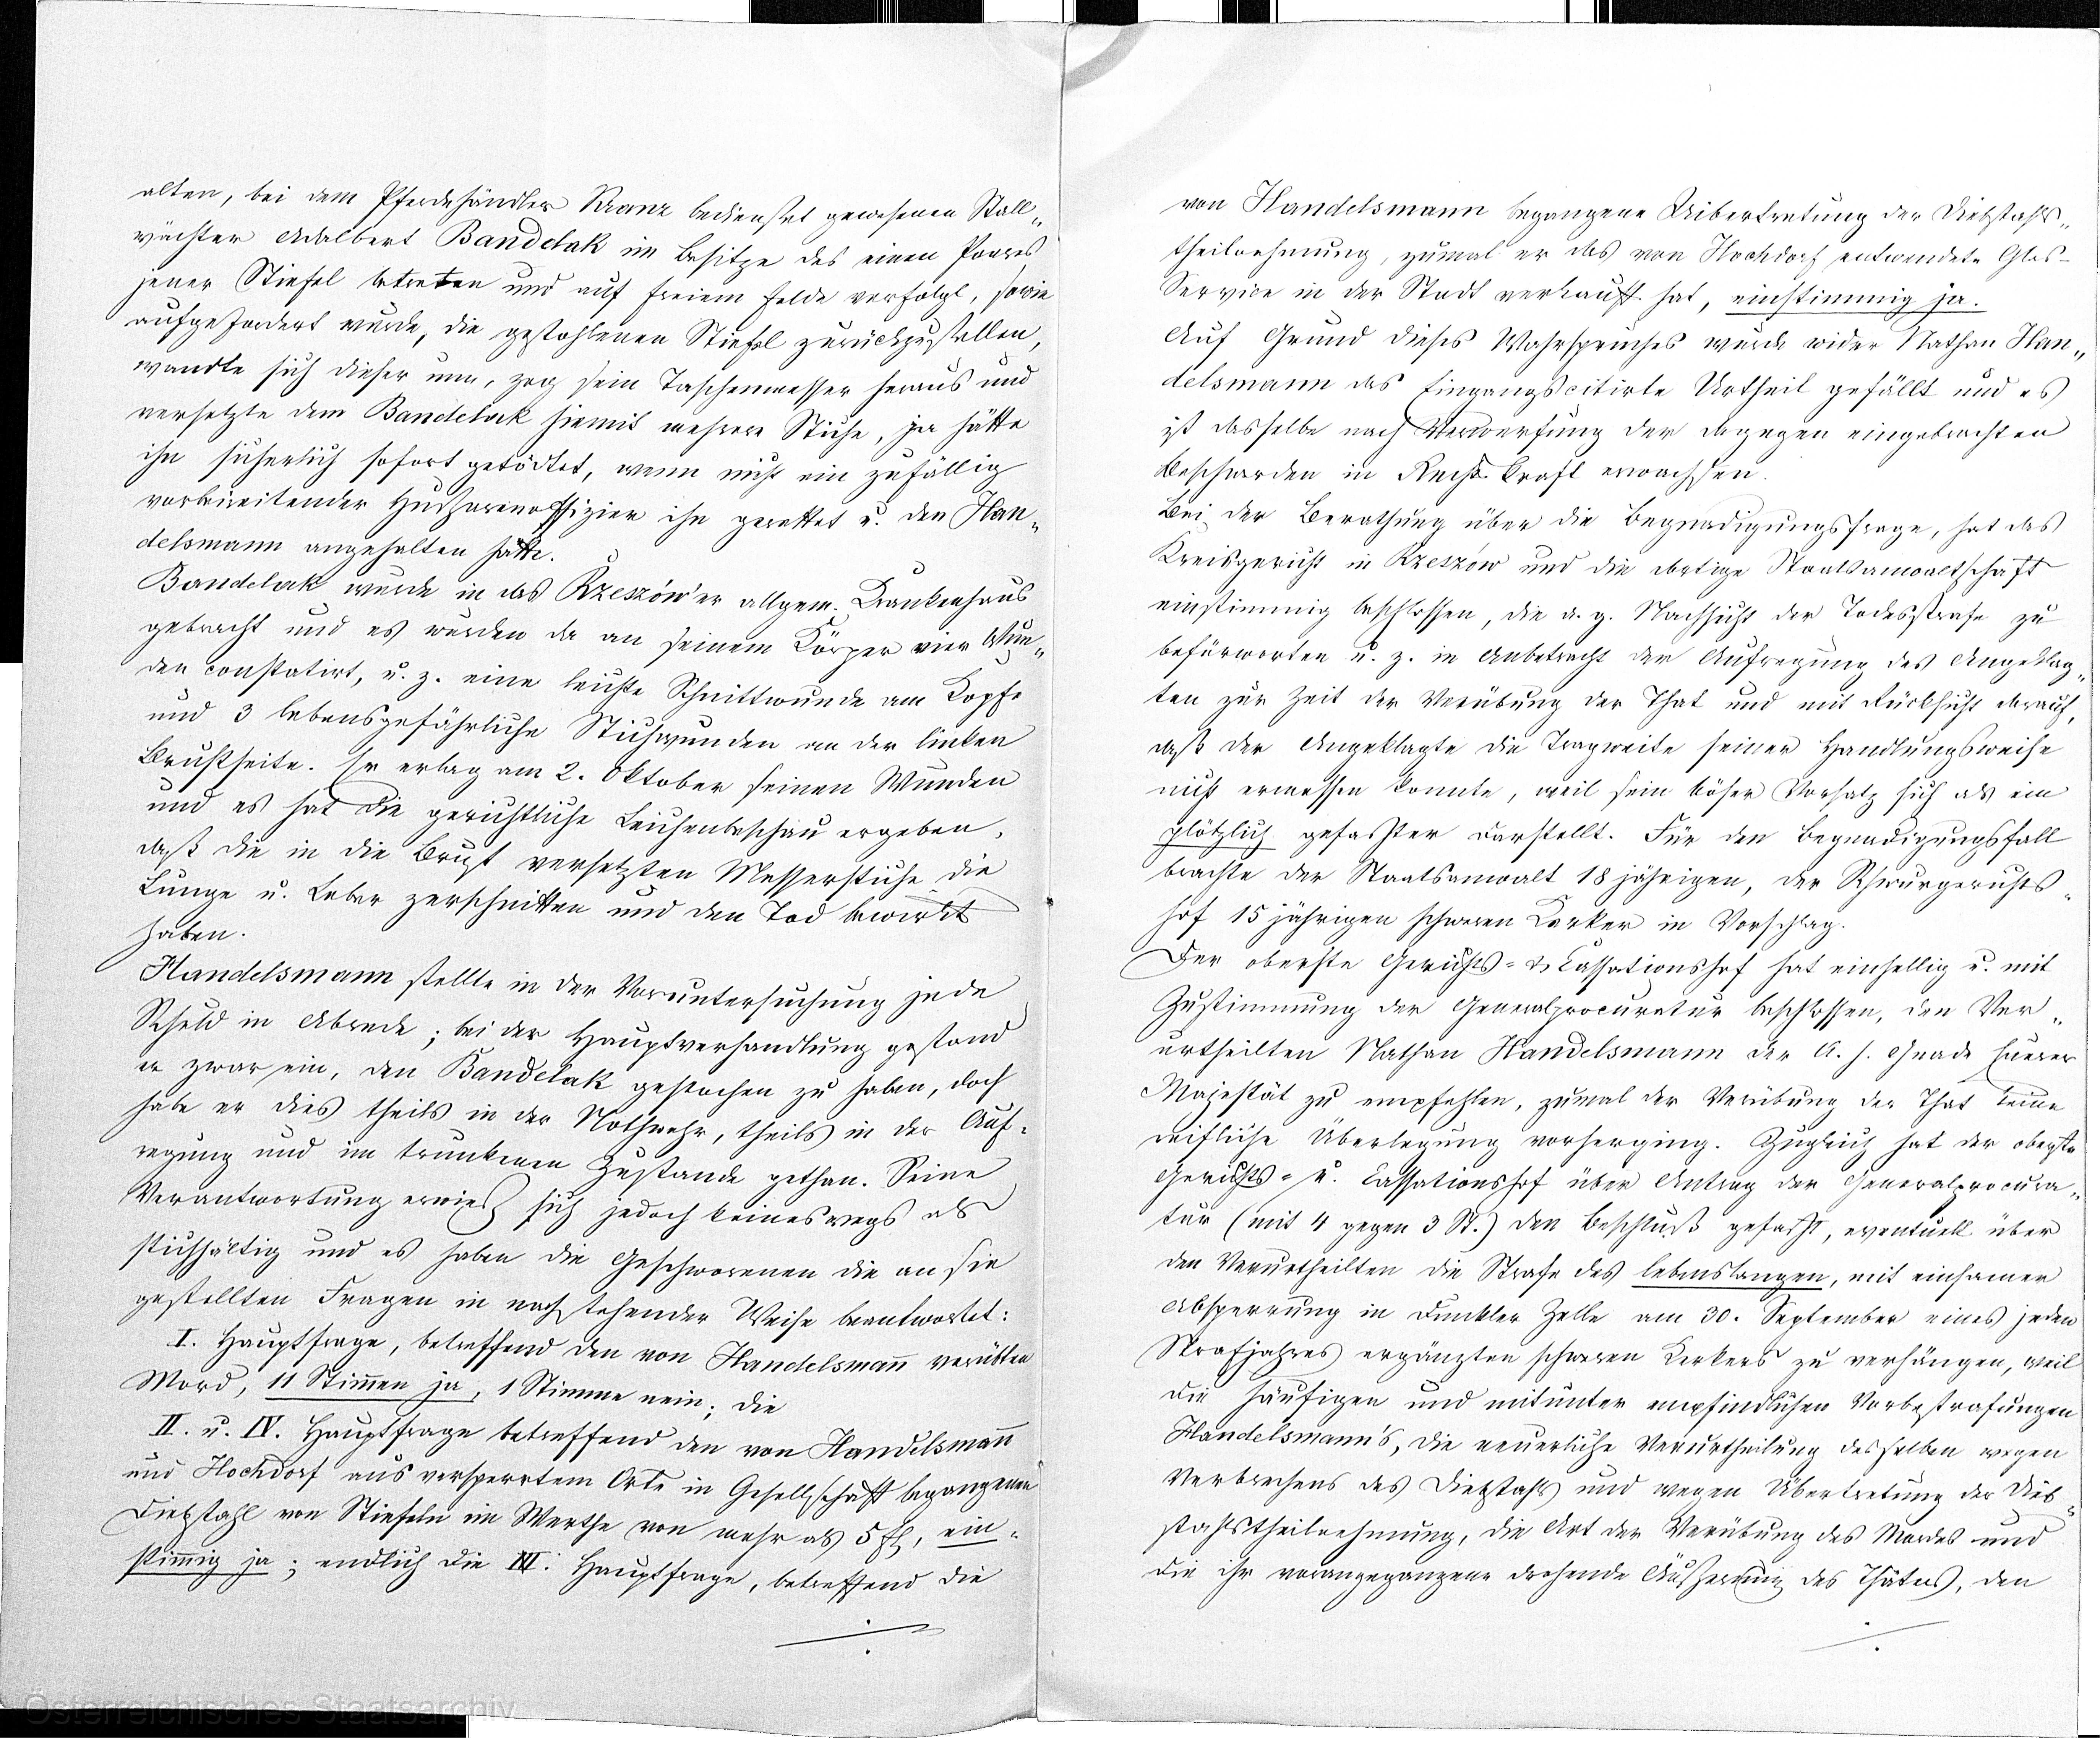alten, bei dem Pferdehändler Kranz bedienset gewesenen Stall¬
wächter Adalbert Bandelak im Besitze des einen Paares
jener Stiefel betreten und auf freiem Felde verfolgt, sowie
aufgefordert wurde, die gestohlenen Stiefel zurückzustellen,
wandte sich dieser um, zog sein Taschenmesser heraus und
versetzte dem Bandelak hiemit mehrere Stiche, ja hätte
ihn sicherlich sofort getödtet, wenn nicht ein zufällig
vorbeireitender Hußarenoffizier ihn gerettet u den Han¬
delsmann angehalten hatte.
Bandelak wurde in des Rzeszów’er allgem. Krankenhaus
gebracht und es wurden da an seinem Körper vier Wun¬
den constatirt, u.z. eine leichte Schnittwunde am Kopfe
und 3 lebensgefährliche Stichwunden an der linken
Brustseite. Er erlag am 2. Oktober seinen Wunden
und es hat die gerichtliche Leichenbeschau ergeben,
daß die in die Brust versetzten Messerstiche die
Lunge u. Leber zerschnitten und den Tod bewirkt
haben.
Handelsmann stellte in der Voruntersuchung jede
Schuld in Abrede; bei der Hauptverhandlung gestand
er zwar ein, den Bandelak gestochen zu haben, doch
habe er dies theils in der Nothwehr, theils in der Auf¬
regung und im trunkenen Zustande gethan. Seine
Verantwortung erwieß sich jedoch keineswegs als
stichhaltig und es haben die Geschworenen die an sie
gestellten Fragen in nachstehender Weise beantwortet:
I. Hauptfrage, betreffend den von Handelsmann verübten
Mord, 11 Stimmen ja, 1 Stimme nein; die
II. u. IV. Hauptfrage betreffend den von Handelsmann
und Hochdorf aus versperrten Orte in Gesellschaft begangenen
Diebstahl von Stiefeln im Werthe von mehr als 5 fl, ein¬
stimmig ja; endlich die III. Hauptfrage, betreffend die
von Handelsmann begangenen Uibertretung der Diebstahls¬
theilnehmung, zumal er das von Hochdorf entwendete Glas-
Service in der Stadt verkauft hat, einstimmig ja.
Auf Grund dieses Wahrspruches wurde wider Nathan Han¬
delsmann das Eingangscitirte Urtheil gefällt und es
ist desselbe nach Verwerfung der dagegen eingebrachten
Beschwerden in Rechtskraft erwachsen.
Bei der Beratung über die Begandigungsfrage, hat das
Kreisgericht in Rzeszów und die dortige Staatsanwaltschaft
einstimmig beschlossen, die a.g. Nachsicht der Todesstrafe zu
befürworten u.z. in Anbetracht der Aufregung des Angeklag¬
ten zur Zeit der Verübung der That und mit Rücksicht darauf,
daß der Angekagte die Tragweite seiner Handlungsweise
nicht ermessen konnte, weil sein böser Vorsatz sich als ein
plötzlich gefaßter darstellt. Für den Begnadigungsfall
beachte der Staatsanwalt 18jährigen, der Schwurgerichts¬
hof 15jährigen schweren Kerker in Vorschlag.
Der oberste Gerichts- u. Cassationshof hat einhellig u mit
Zustimmung der Generalprocuratur beschlossen, den Ver¬
urtheilten Nathan Handelsmann der A. h. Gnade Eurer
Majestät zu empfehlen, zumal der Verübung der That keine
reifliche Überlegung vorherging. Zugleich hat der oberste
Gerichts- u. Cassationshof über Antrag der Generalprocura¬
tur (mit 4 gegen 3 St.) den beschluß gefaßt, eventuell über
den Verurtheilten die Strafe des lebenslangen, mit einsamen
Absperrung in dunkler Zelle am 30 September eines jeden
Strafjahres ergänzten schweren Kerkers zu verhängen, weil
die häufigen und mitunter empfindlichen Vorbestrafungen
Handelsmann’s, die neuerliche Verurtheilung desselben wegen
Verbrechens des Diebstahls und wegen Übertretung der Dieb¬
stahlsteilnehmung, die Art der Verübung des Mordes und
die ihr vorangegangene drohende Äußerung des Thäters, den